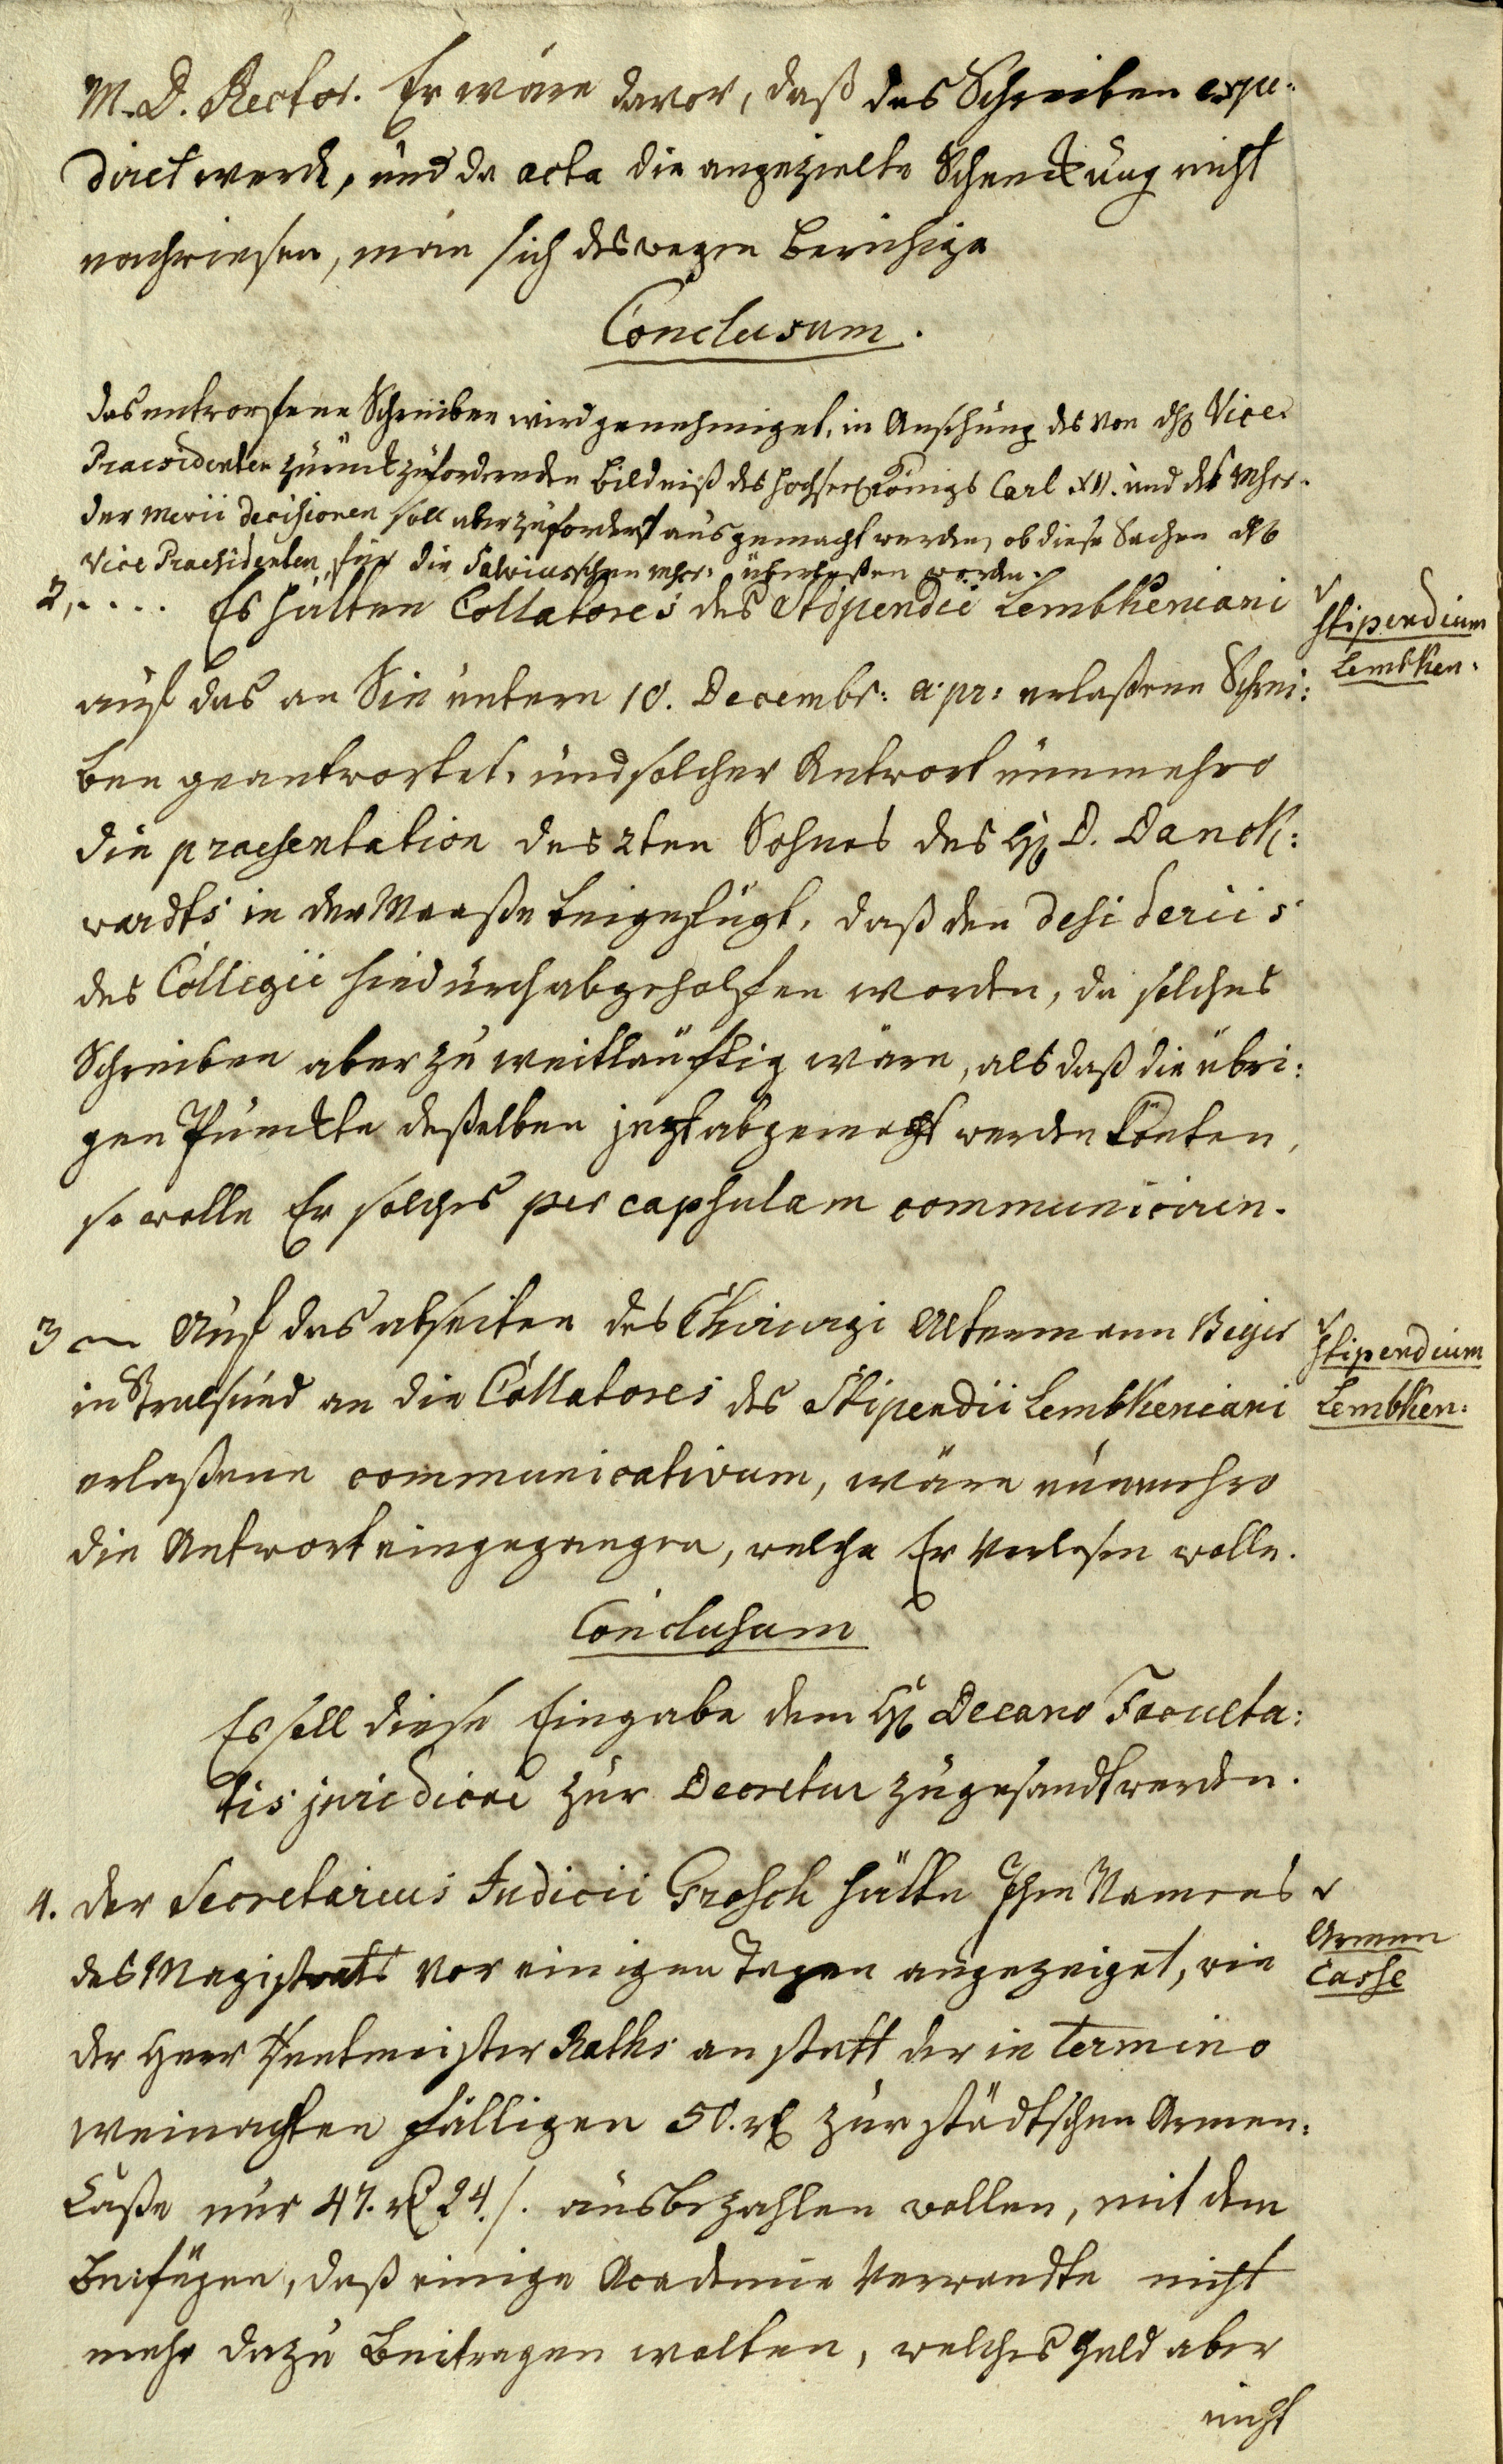M. D. Rector. Er wäre davor, daß das Schreiben expe¬
diret werde, und da acta die angezielte Schenckung nicht
nachwiesen, man sich deswegen beruhige
Conclusum.
das entworfene Schreiben wird genehmiget, in Ansehung des von dh Vice¬
Praesidenten zurückzufordernden Bildniß des hochseel. Königs Carl XII. und des mscr.
der Mevii decisionen soll aber zuforderst ausgemacht werden, ob diese Sachen dh
Vice Praesidenten für die Salviusschen mscr. überlaßen werden.
2. Es hätten Collatores des Stipendii Lembkeniani Stipendium
auf das an Sie untern 10. Decembr. a. pr. erlaßene Schrei¬ Lembken
ben geantwortet und solcher Antwort nunmehro
die praesentation des 2 ten Sohnes des H. D. Danck¬
wardts in der Maaße beeigefügt, daß den desideriis
des Collegii hiedurch abgehalten worden, da solches
Schreiben aber zu weitläuftig wäre, als daß die übri¬
gen Punckte deßelben jezt abgemacht werden könten,
so wolle Er solches per capsulam communiciren.
3. Auf das abseiten des Chirurgi Altermann Beÿer Stipendium
in Stralsund an die Collatores des Stipendii Lembkeniani Lembken
erlaßenen communicativum, währe nunmehro
die Antwort eingegangen, welche Er verlesen wolle.
Conclusum
es soll diese Eingabe dem H. Decano Faculta¬
tis juridicae zur Decretur zugesandt werden.
4. Der Secretarius Judicii Grosch hätte Ihm Namens
des Magistrats vor einigen Tagen angezeiget, wie Armen
der Herr Rentmeister Raths anstatt der in termino
Weinachten fälligen 50. r. zur städtischen Armen¬
caße nur 47. r. 24. s. ausbezahlen wollen, mit dem
Beifügen, daß einige Academie Verwandte nicht
mehr dazu beitragen wolten, welches Geld aber
nicht